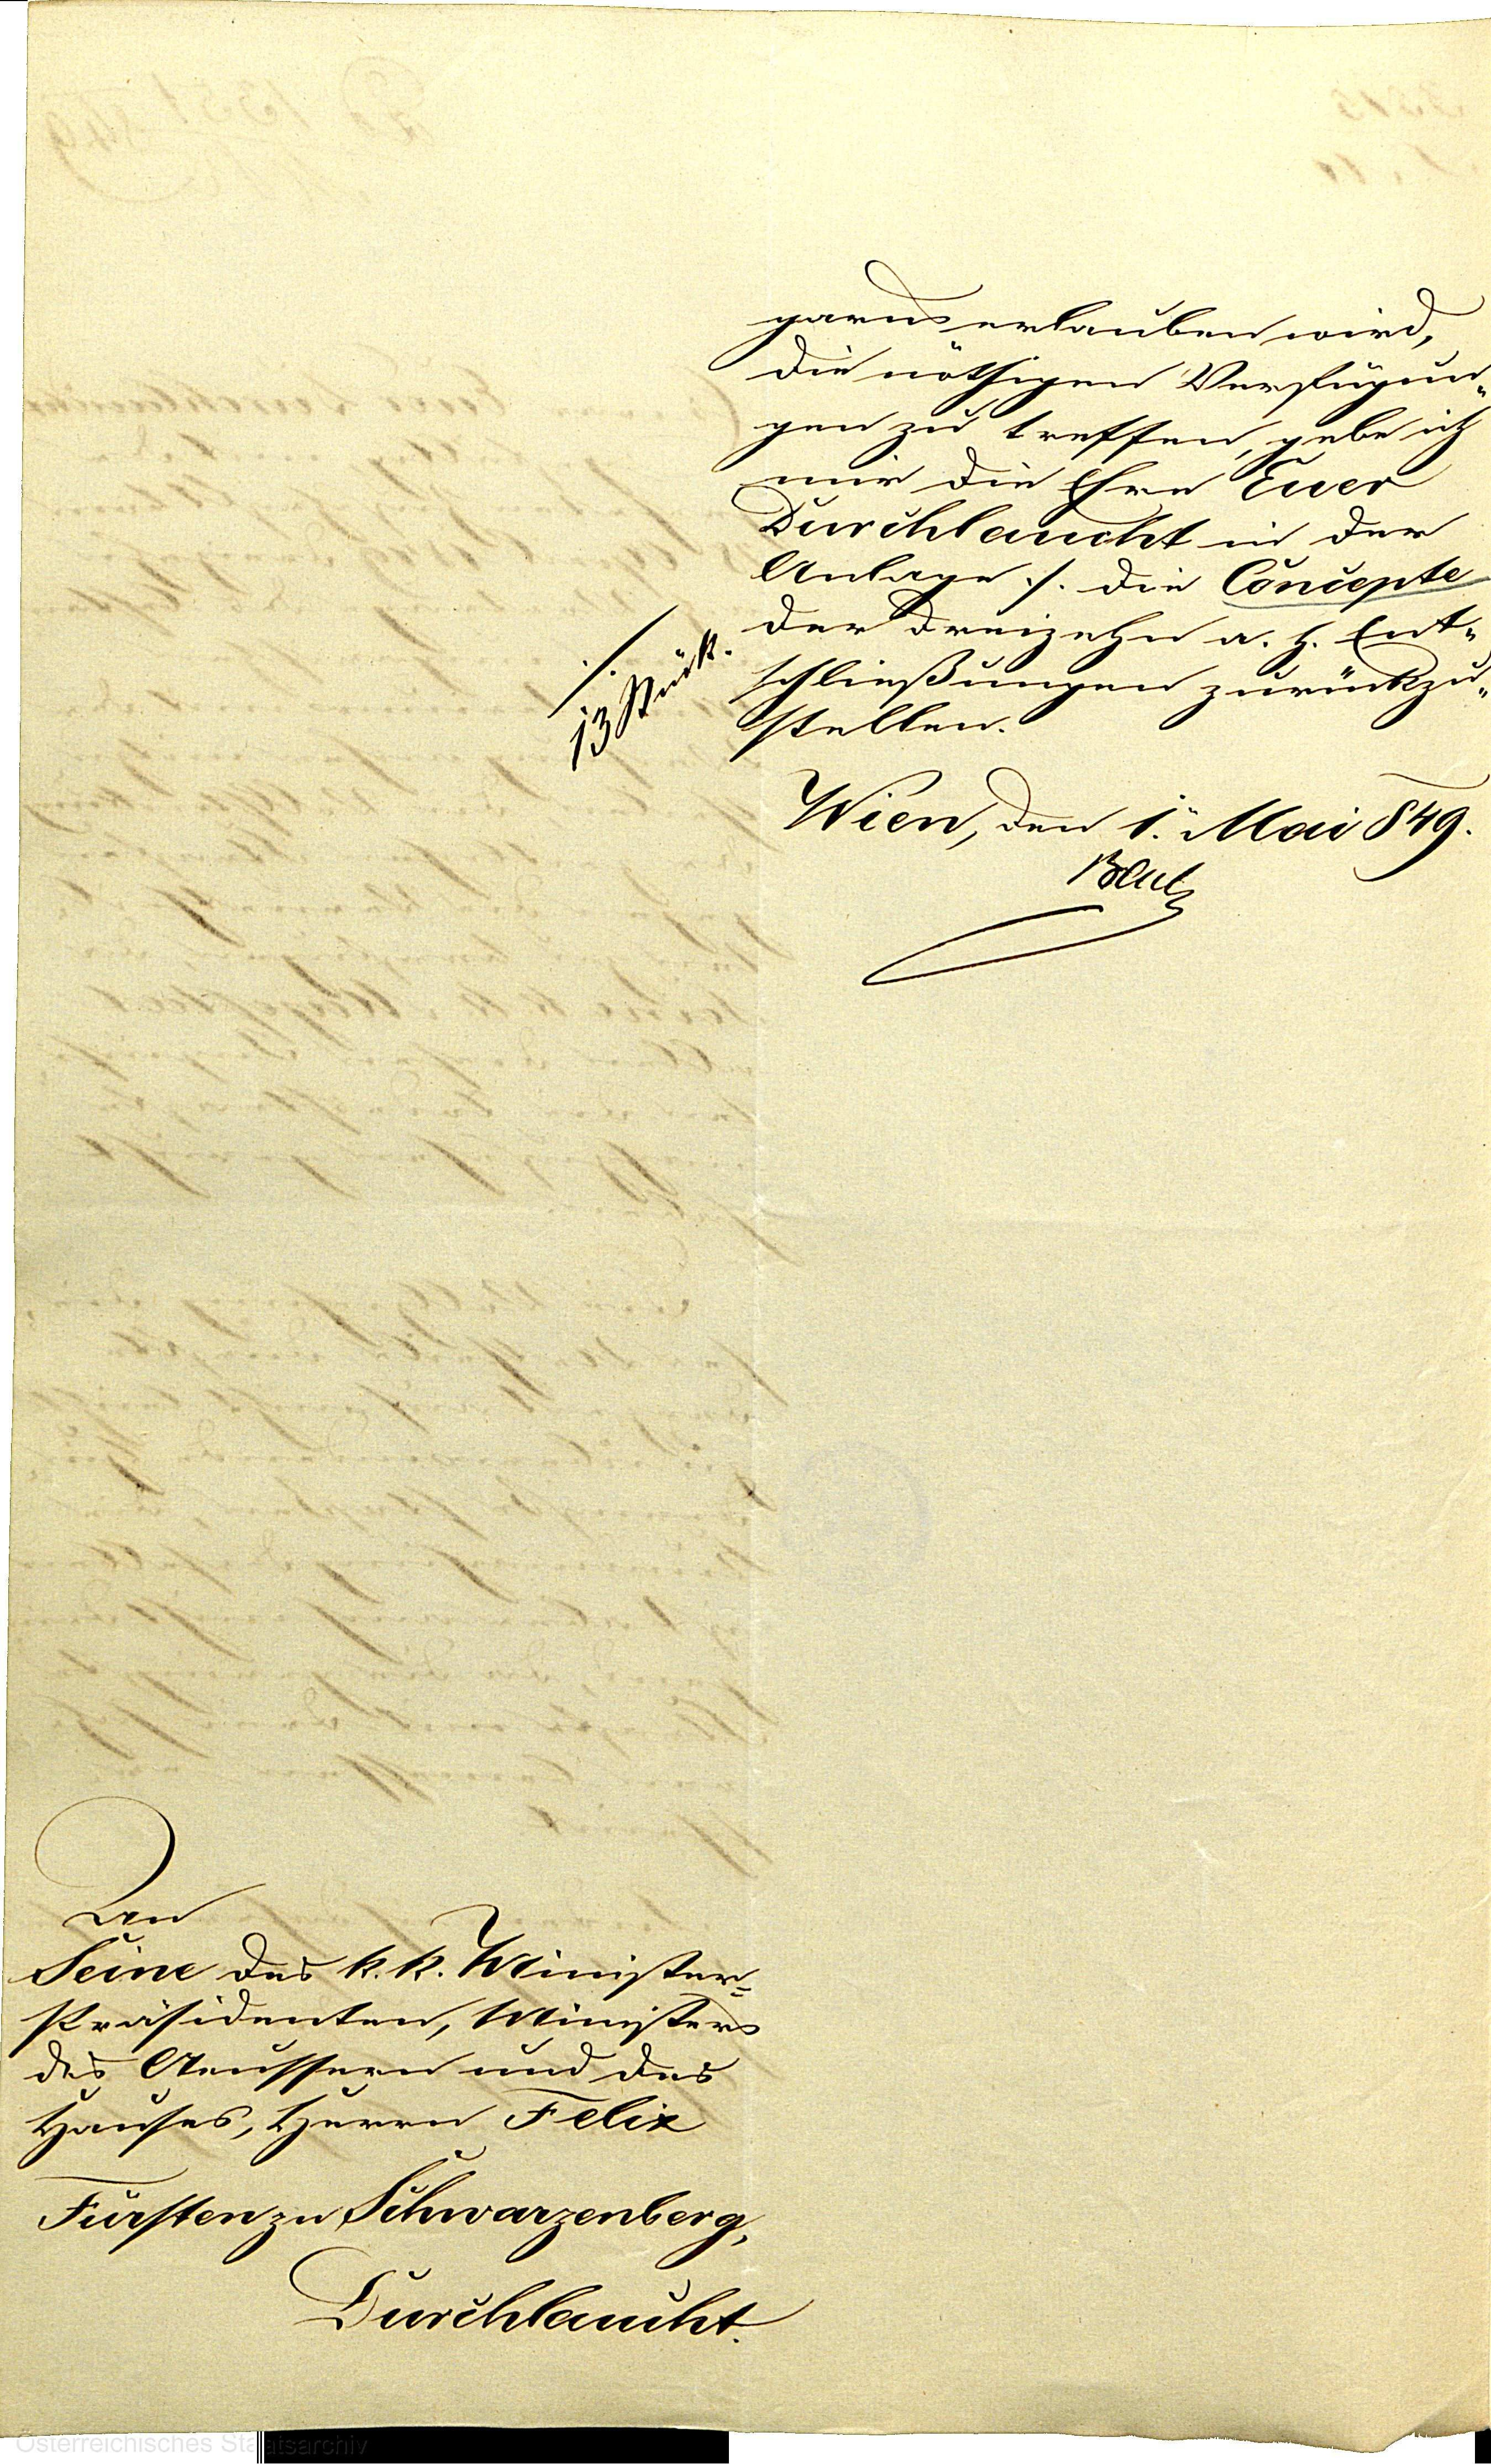13 Stück
garns erlauben wird,
die nöthigen Verfügun¬
gen zu treffen, gebe ich
mir die Ehre Euer
Durchlaucht in der
Anlage ./. die Concepte
der dreizehn a. h. Ent¬
schließungen zurückzu¬
stellen.
Wien, den 1. Mai 849
xx
An
seine des k. k. Minister¬
Präsidenten, Ministers
des Aeusern und des
Hauses, Herrn Felix
Fürsten zu Schwarzenberg,
Durchlaucht.